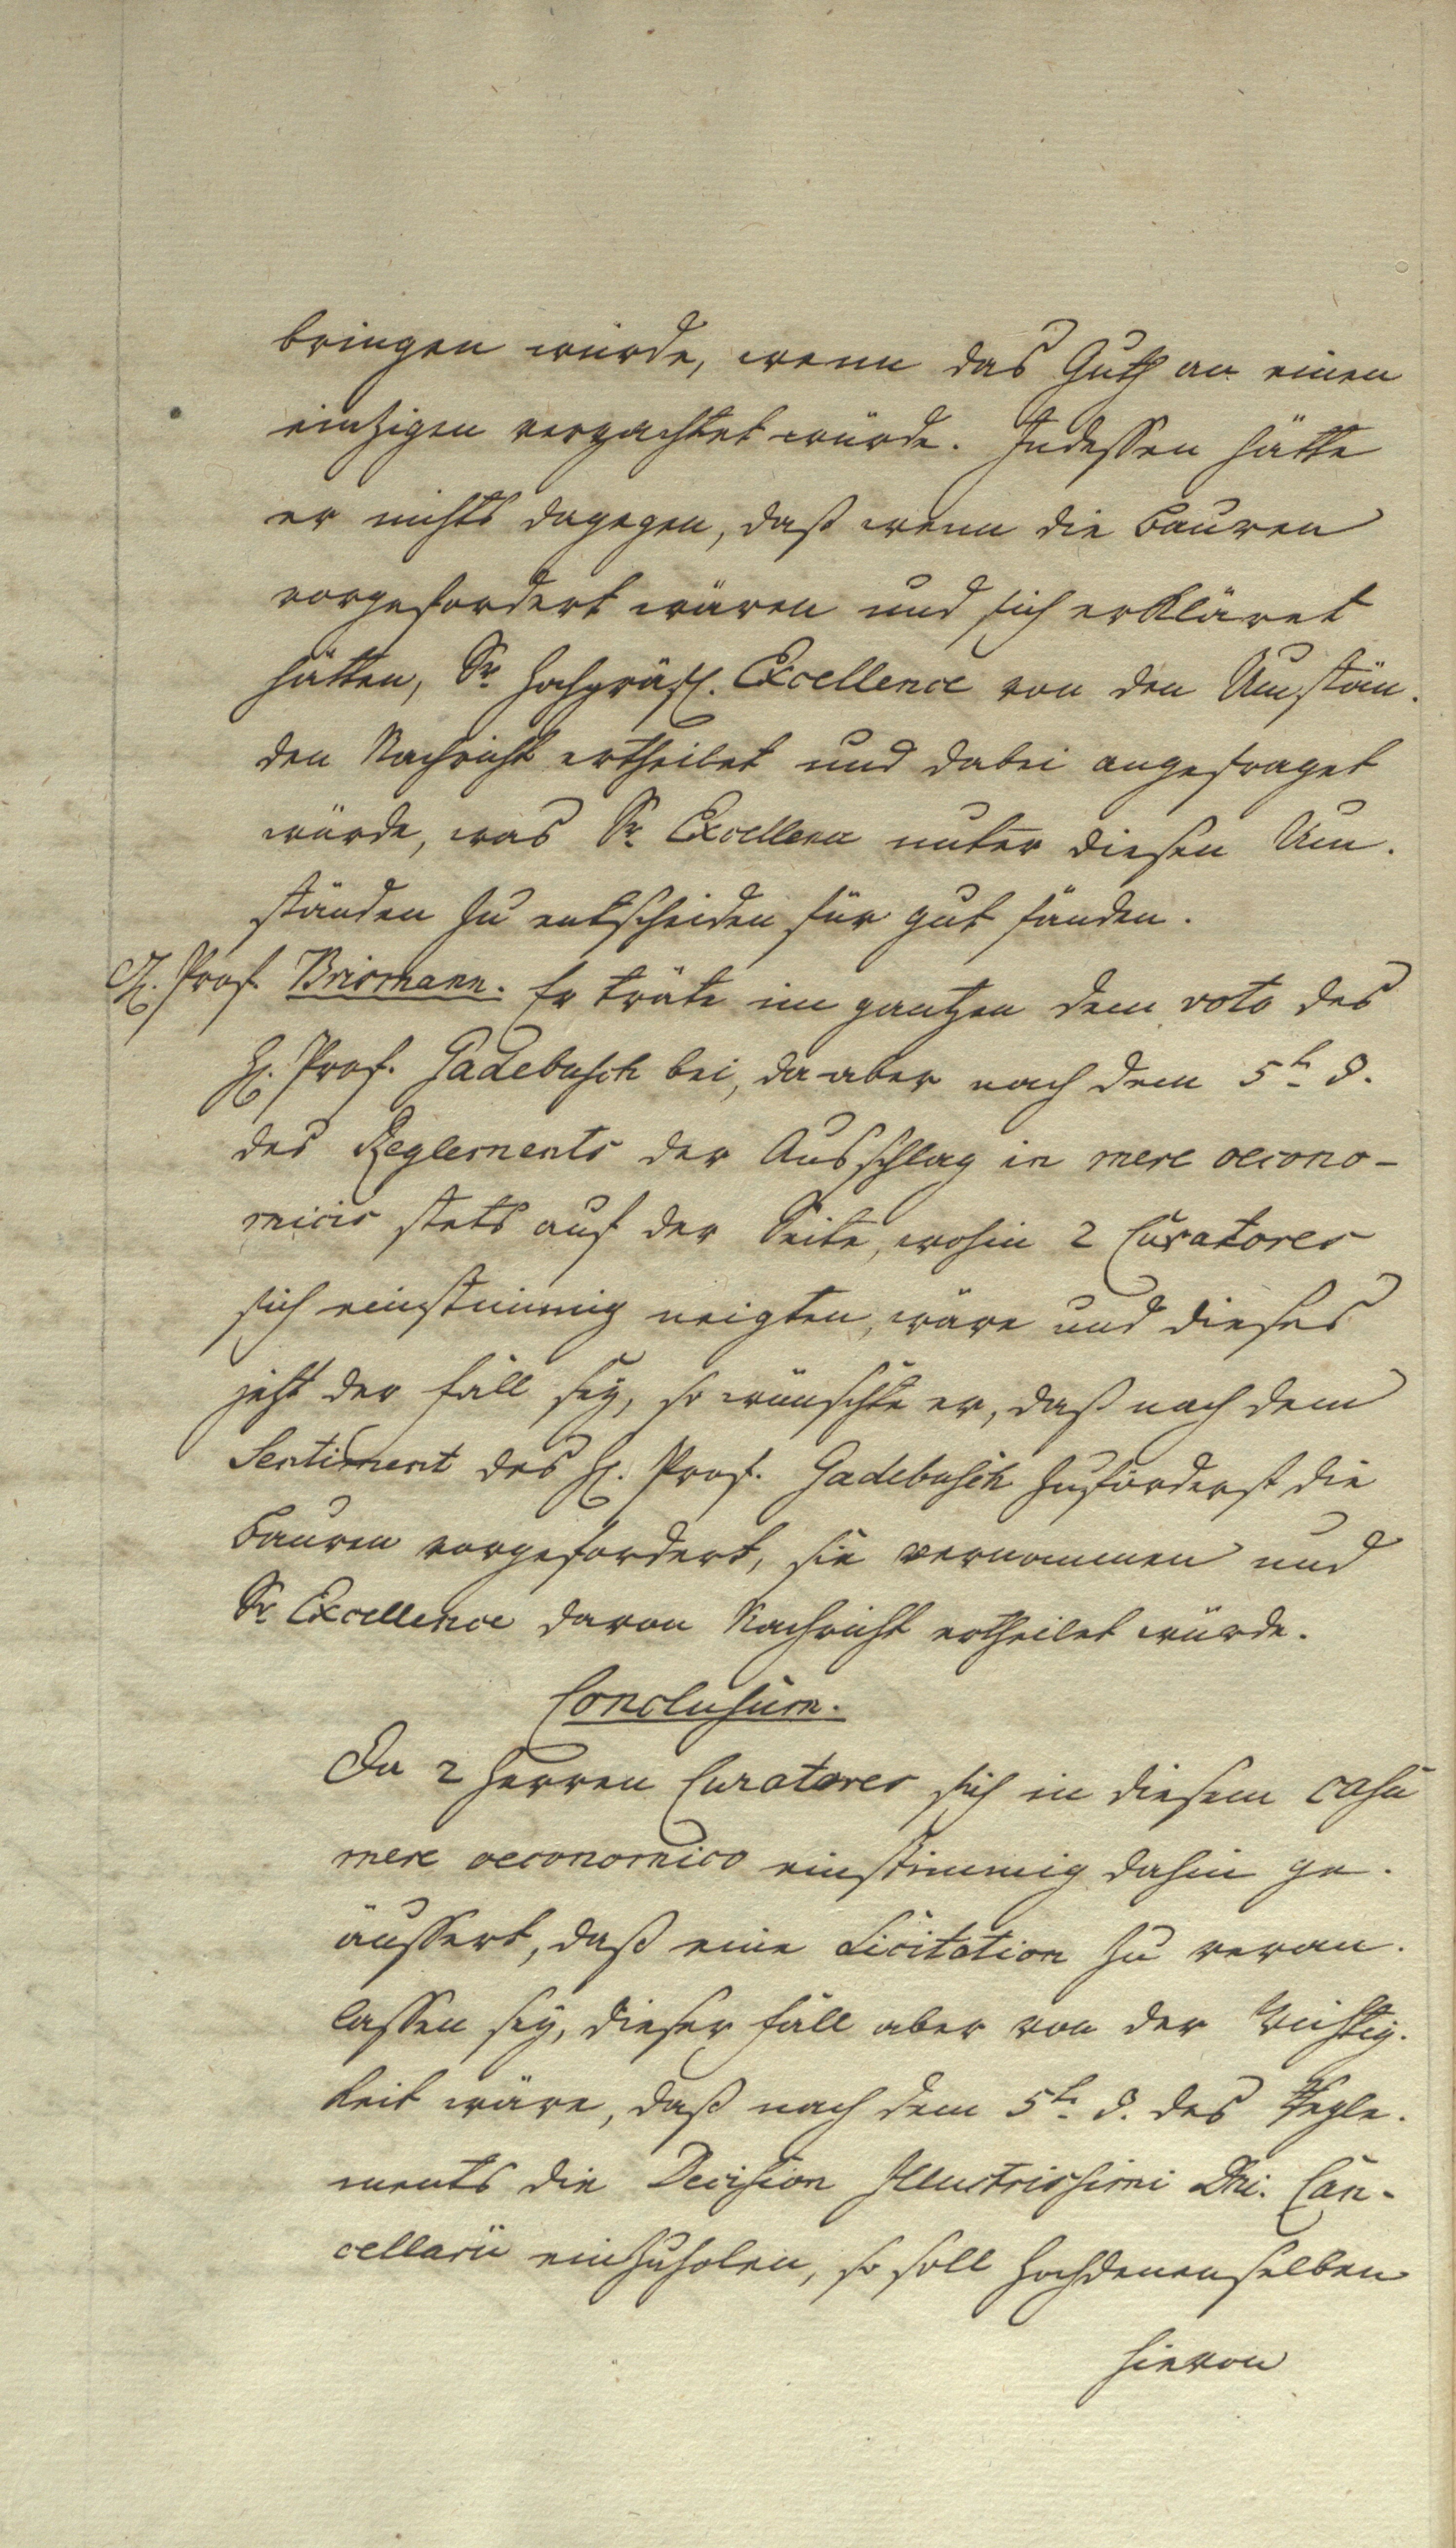bringen würde, wenn das Guth an einen
einzigen verpachtet würde. Indessen hätte
er nichts dagegen, daß wenn die Bauren
vorgefordert wären und sich erkläret
hätten, Sr. hochgräfl. Excellence von den Umstän¬
den Nachricht ertheilet und dabei angefraget
würde, was Sr. Excellence unter diesen Um¬
ständen zu entscheiden für gut fänden.
dh. Prof. Brismann. Er träte im ganzten dem voto des
H. Prof. Gadebusch bei, da aber nach dem 5ten §
des Reglements der Ausschlag in mere oecono¬
micis stets auf der Seite, wohin 2 Curatores
sich einstimmig neigten, wäre und dieses
jetzt der Fall sey, so wünsche er, daß nach dem
Sentiment des H. Prof. Gadebusch zuförderst die
Bauren vorgefordert, sie vernommen und
Sr. Excellence davon Nachricht ertheilet würde.
Conclusum
Da 2 Herren Curatores sich in diesem casu
mere oeconomico einstimmig dahin ge¬
äussert, daß eine Licitation zu veran¬
lassen sey, dieser Fall aber von der Wichtig¬
keit wäre, daß nach dem 5ten § des Regle¬
ments die Decision Illustrissimi Dni. Can¬
cellarii einzuholen, so soll hochdenenselben
hievon